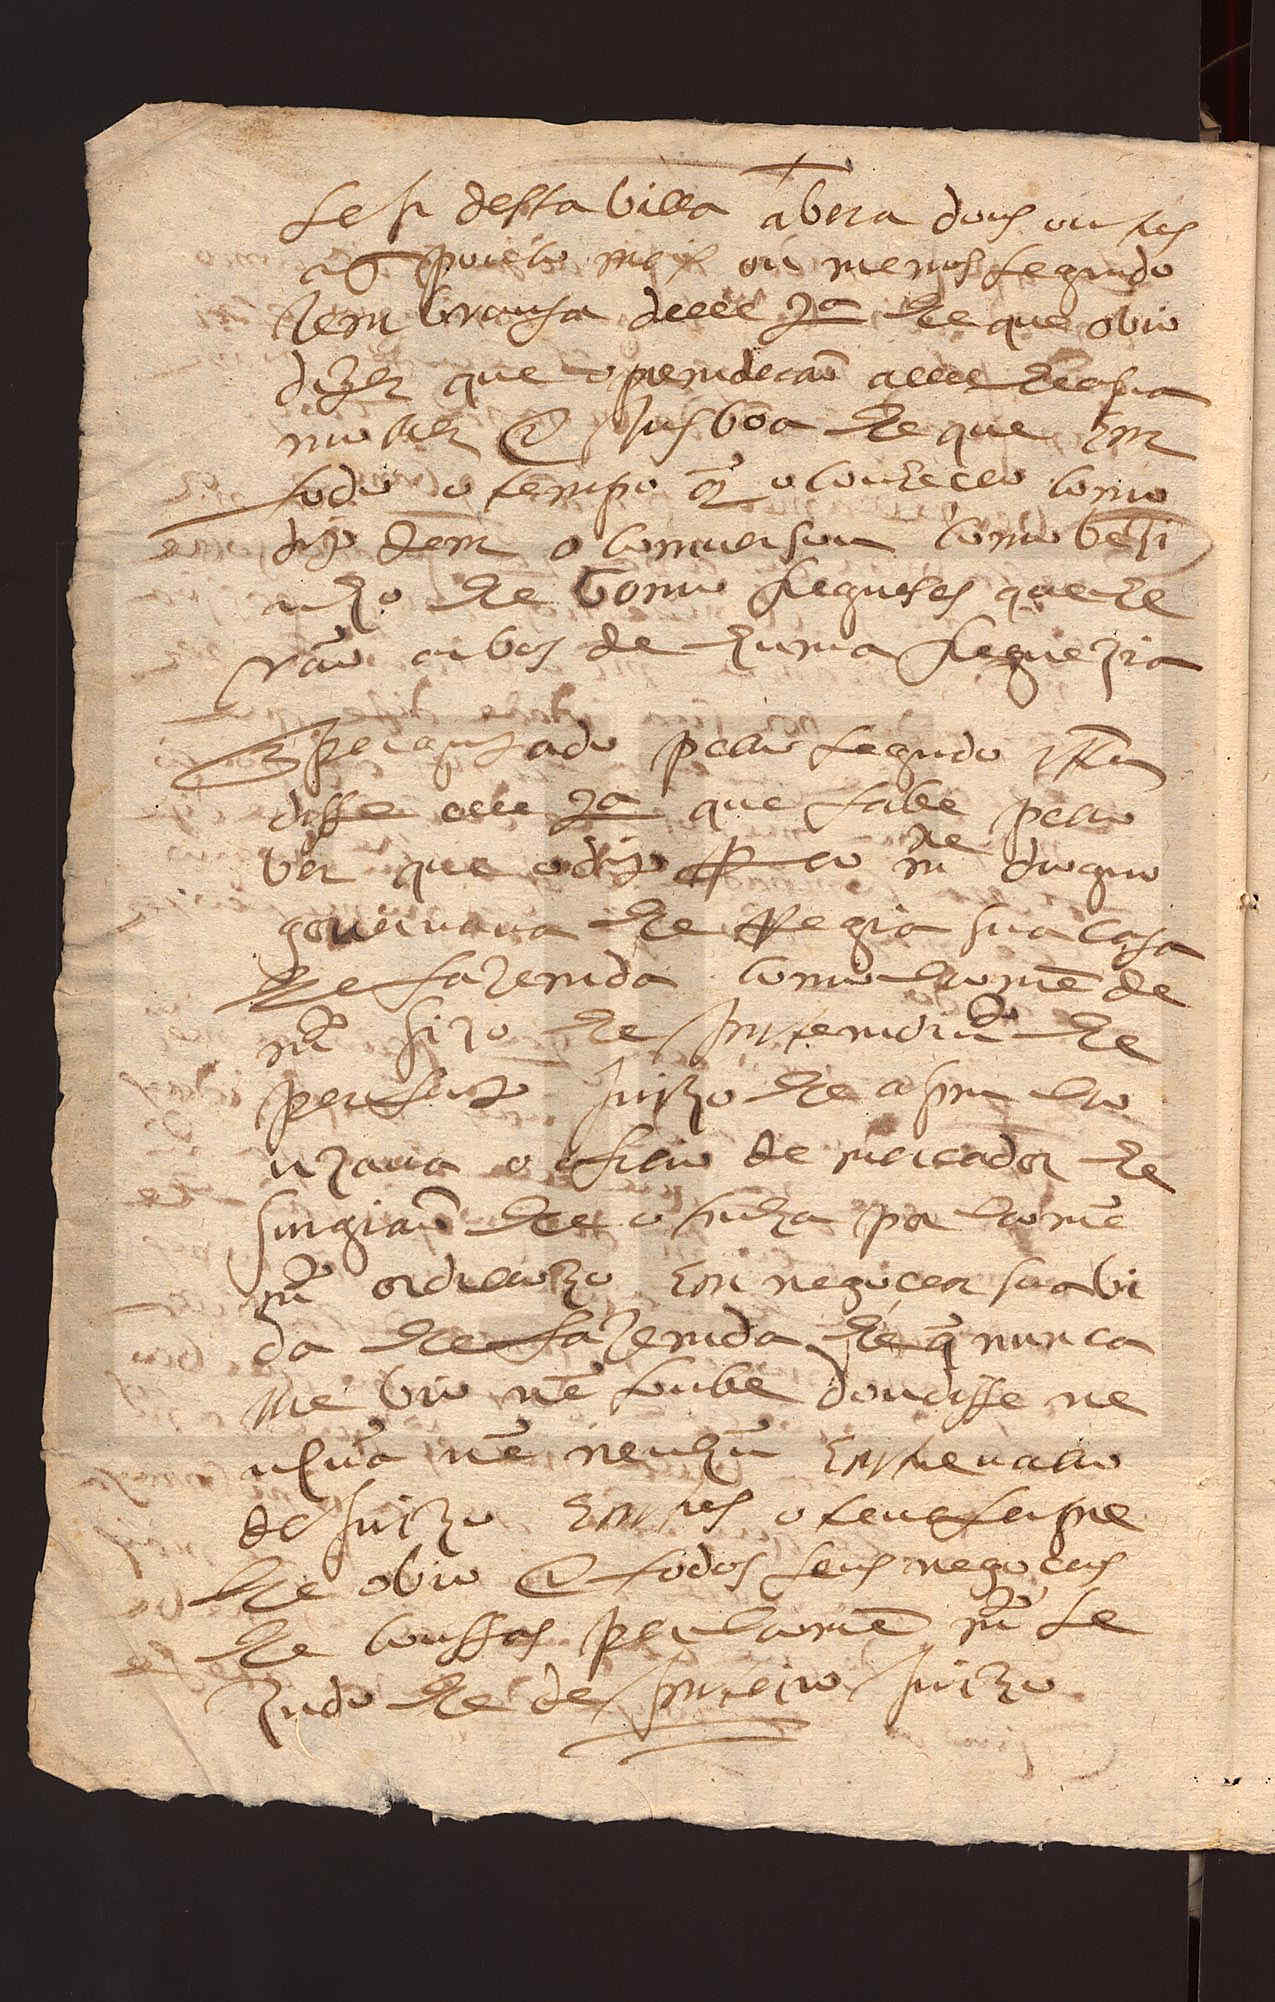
se Jr desta villa avera dous ou tres
ans pouco mais ou menos segundo
lembransa delle ta he que ovio
dizer que o premderaõ a elle he a sua
molher ē Lisboa he que Em
todo o tempo q̄ o conheçeo como
dito tem o comversou como vezi
nho he como fregueses que he
rão anbos de huma freguezia
item pergutado pello segudo it̄tem
disse elle ta que sabe pello
ver que o dito Reo mtre dioguo
gouernaua he Regia sua casa
he fazemda como homē de
mto sizo he Jmtemdimto he
perfeito Juizo he asim ho
uzaua o oficio de mercador he
Surgiaõ he o tinha por homē
mto ardillozo Em negoçear sua vi
da he fazemda he q̄ nunca
lhe vio nē soube doudisse ne
nhuā nē nenhū Emtreuallo
de Juizo E antes o teue senpre
he ovio e todos seus negoçeos
he coussas per homē mto se
zudo he de Jmtejro Juizo
